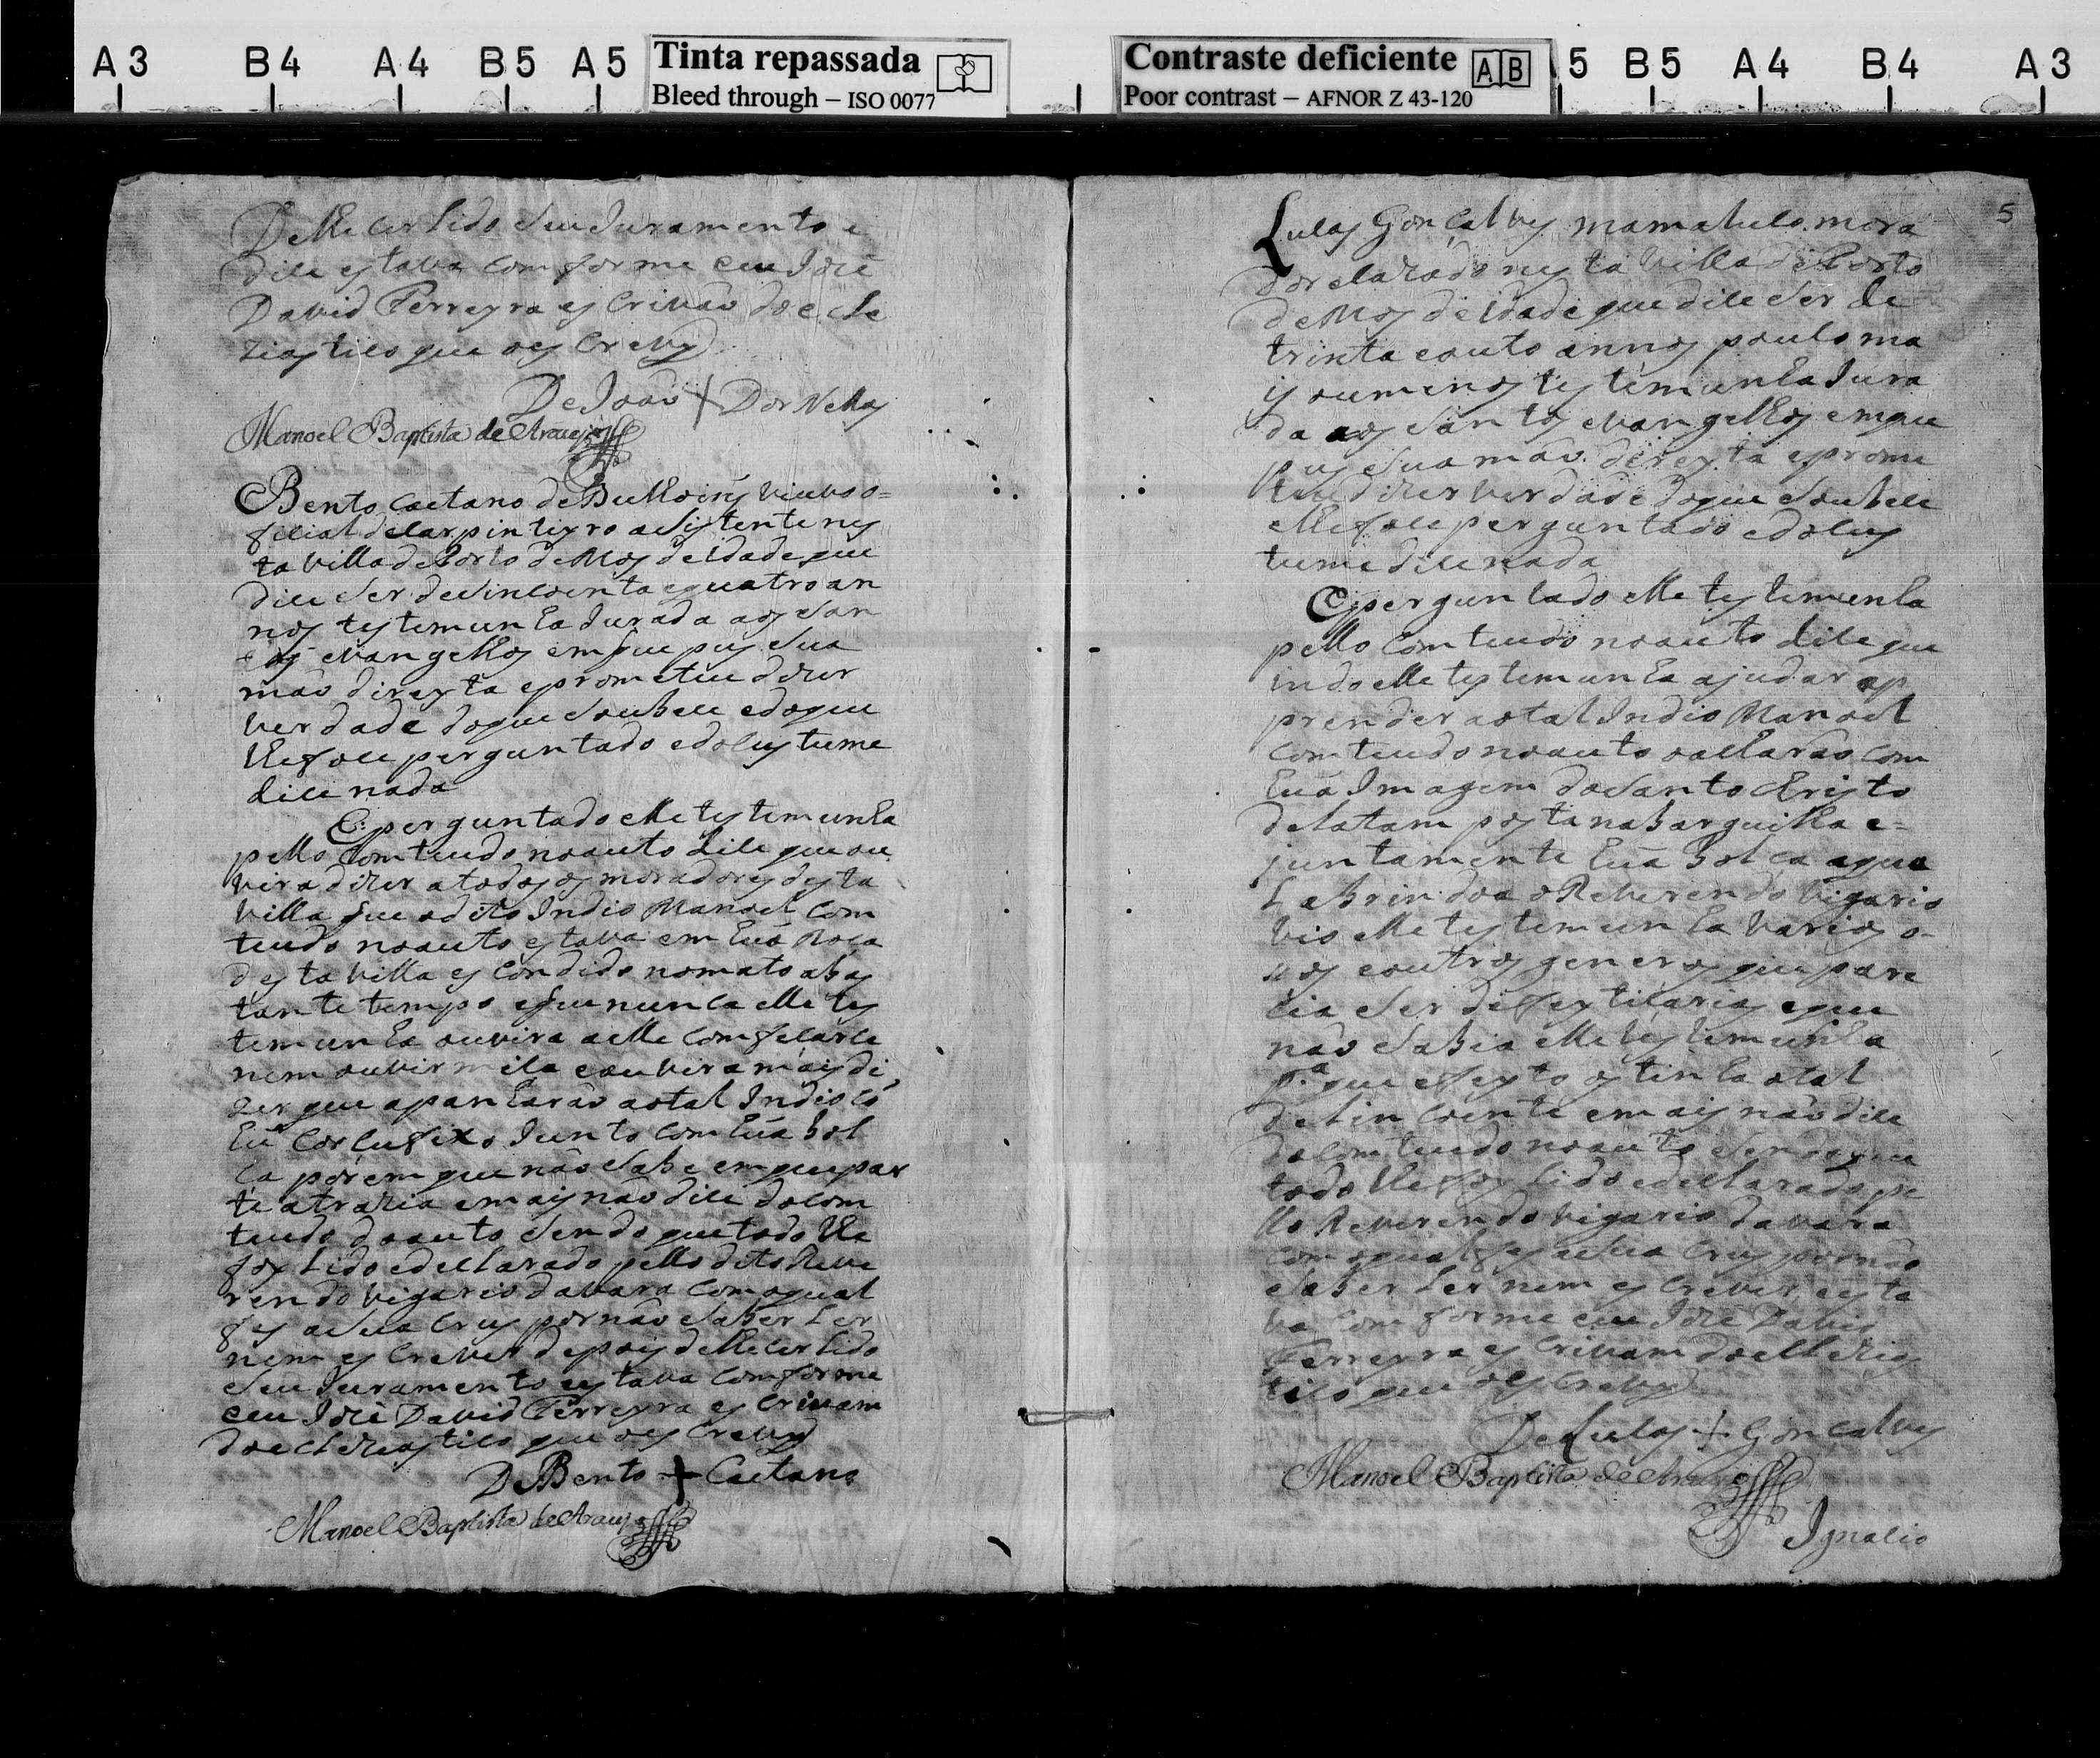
De lhe cer lido seu Iuramento, e
dice estava comforme e eu Iozé
David Ferreyra escrivaõ do ecle
ziastico que o escreuy
De Ioaõ + DorNellas
Manoel Baptista de Araujo
Bento caetano de Bulhoin̄s viuvo o
ficial de carpinteyro aSistente nes
ta villa de Porto de Mos de idade que
dice ser de sincoenta e quatro an
nos testemunha Iurada aos San
tos evangelhos em que pus sua
maõ direyta e prometeu dizer
verdade do que soubece e do que
lhe foce perguntado e do custume
dice nada
E perguntado elle testemunha
pello Comteudo no auto dice que ou
vira dizer a todos os moradores desta
villa que o dito Indio Manoel com
teudo no auto estava em huā Roça
desta villa escondido no mato abas
tante tempo e que nunca elle tes
temunha ouvira a elle comfeçarce
nem ouvir miça e ouvira mais di
zer que apanharaõ ao tal Indio co
hū corçufixo Iunto com huā bol
ça porem que naõ sabe em que par
te a trazia e mais naõ dice do com
teudo do auto sendo que todo lhe
foy Lido e declarado pello dito Reve
rendo vigario da vara com o qual
fes a sua crus por não saber Ler
nem escrever depois de lhe cer lido
seu Iuramento e estava comforme
e eu Ioze David Ferreyra escrivam
do ecleziastico que o escreuy
De Bento + Caetano
Manoel Baptista de Araujo
Lucas Gonçalves mamaluco mora
dor e cazado nesta villa de Porto
de Mos de idade que dice ser de
trinta e outo annos pouCo ma
is ou menos testemunha Iura
da aos santos evangelhos em que
pus sua maõ direyta e prome
teu dizer verdade do que Soubece
e lhe foce perguntado e do cus
tume dice nada
E perguntado elle testemunha
pello Comteudo no auto dice que
indo elle testemunha ajudar a p
prender ao tal Indio Manoel
conteudo no auto o acharão com
huā Imagem do Santo christo
de latam posta na barguilha e
juntamente huā bolça a qua
l abrindoa o Reverendo Vigario
vio elle testemunha varios o
ssos e outros generos que pare
cia ser de feytiçarias e que
não sabia elle testemunha
p.a que efeyto os tinha o tal
delincoente e mais naõ dice
do comteudo no auto sendo qua
todo lhe foy Lido e declarado pe
llo Reverendo vigario da vara
com o qual fes a sua crus por naõ
saber Ler nem escrever, e esta
va comforme eu Joze David
Ferreyra escriuam do eclezias
tico que o escrevy
De Lucas + Gonçalves
Manoel Baptista de Araujo
Ignacio
